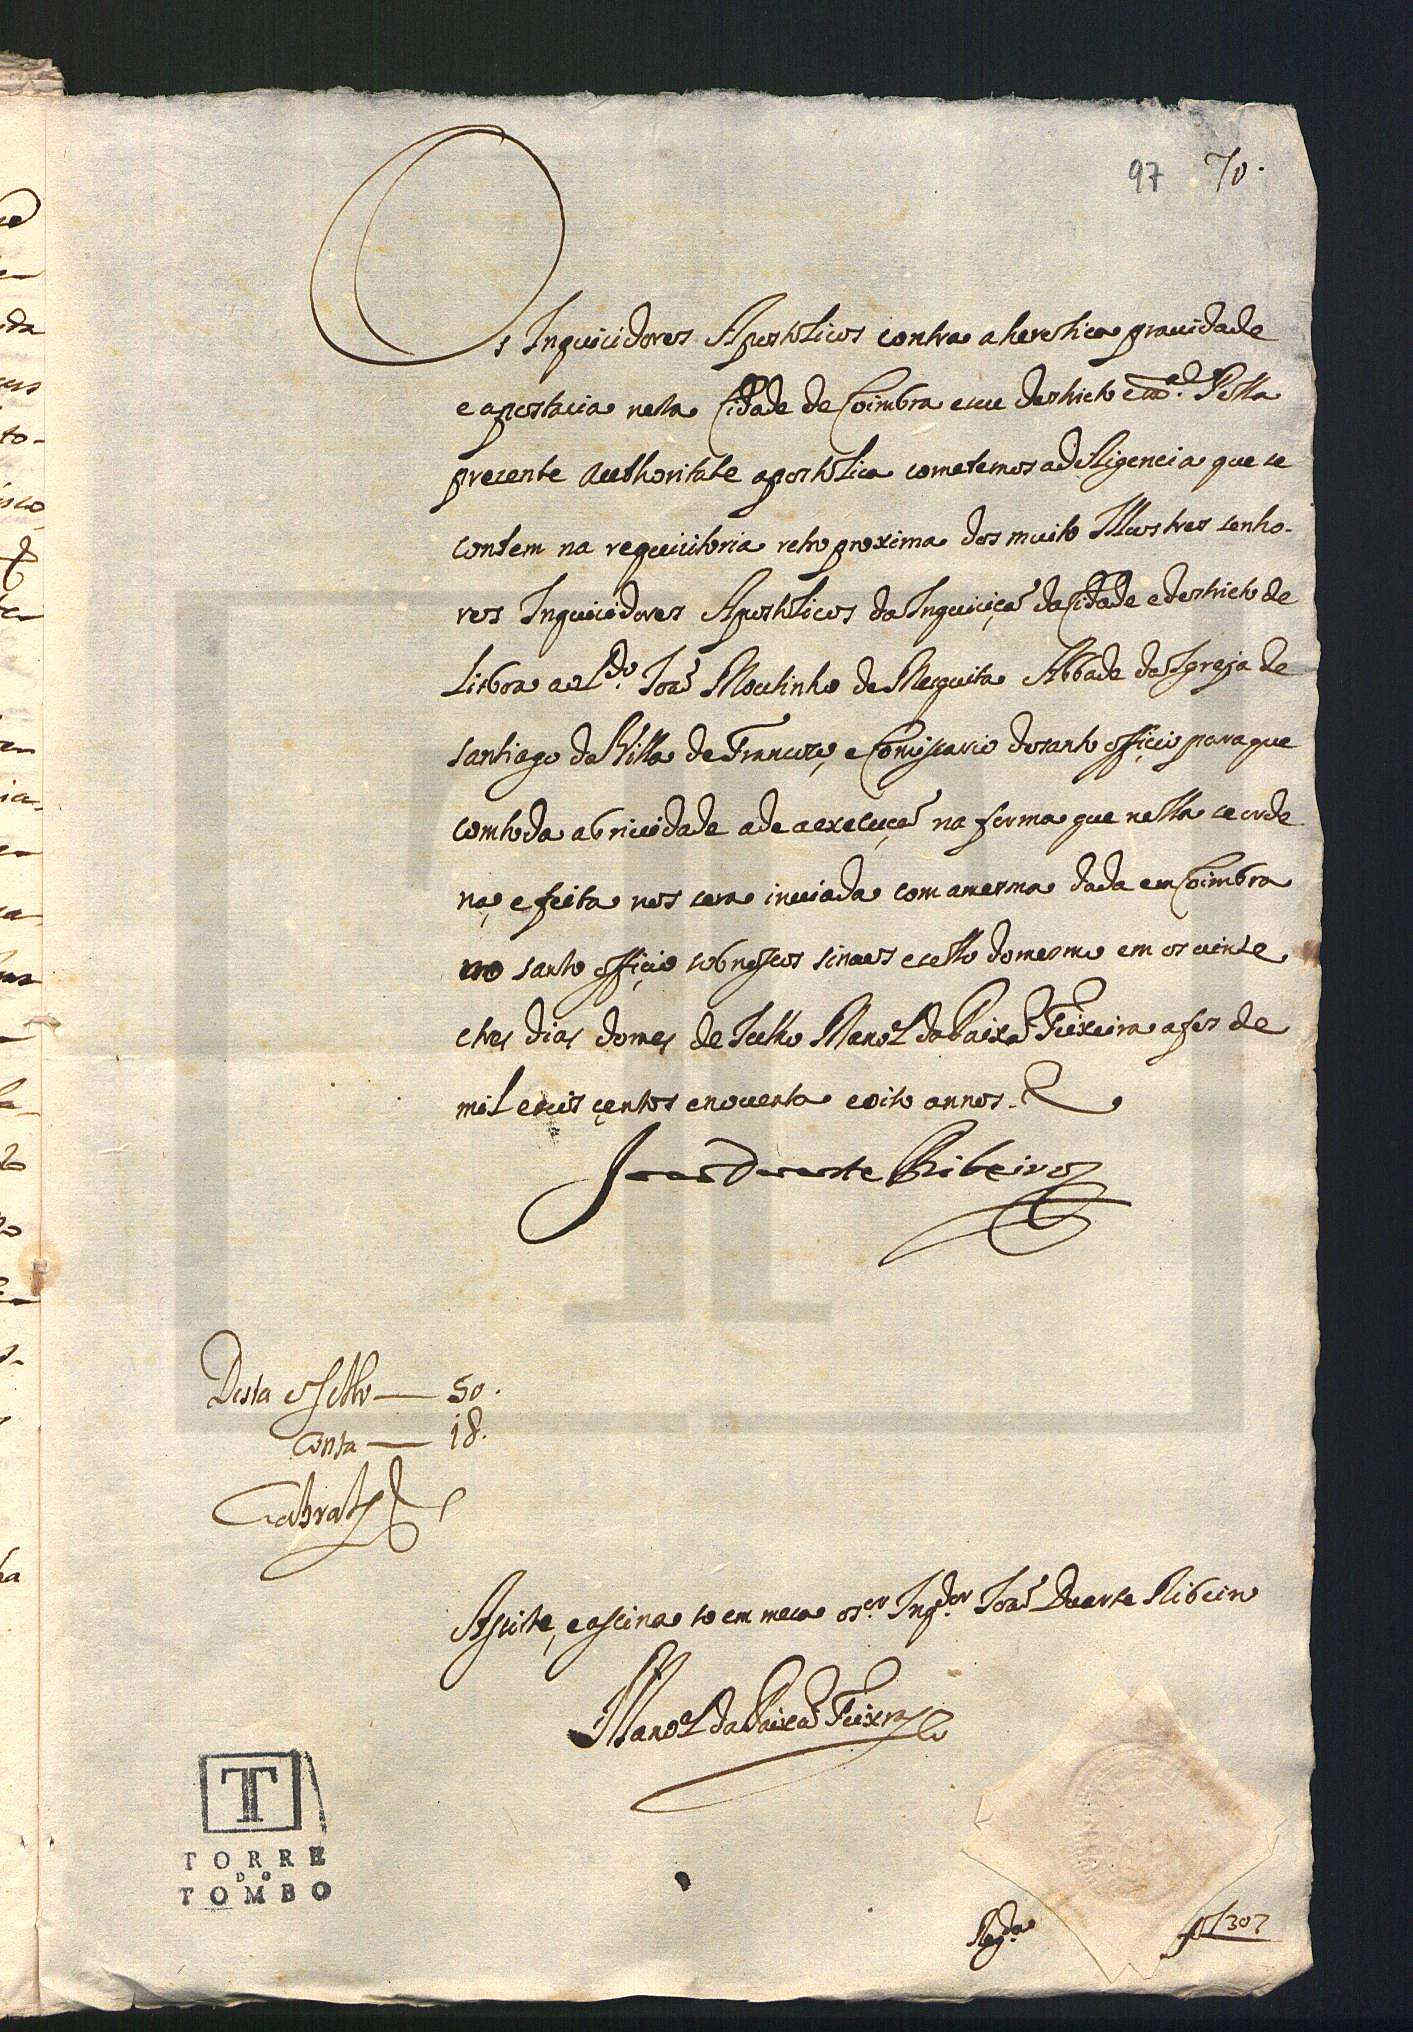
Os Inquisidores Apostolicos contra a heretica prauidade
e apostasia nesta Cidade de Coimbra e seu destricto ettc.a Pella
prezente authoritate apostolica cometemos a diligencia que se
contem na requizitoria retro proxima dos muito Illustres senho
res Inquisidores Apostolicos da Inquisiçaõ da Cidade e destricto de
Lisboa ao Ldo. Joaõ Moutinho de Mesquita Abbade da Igreja de
santiago da Villa de Trancozo, e Comissario do santo offiçio para que
com toda a briuidade a de a execuçaõ na forma que nella se orde
na, e feita nos sera inuiada com a mesma dada em Coimbra
no santo offiçio sob nossos sinaes e sello do mesmo em os uinte
e tres dias do mes de Iulho Manoel da Paixaõ Teixeira a fes de
mil e seisçentos e nouenta e oito annos.
Assiste, e assina so em mesa o s.or Inq.dor Joaõ Duarte Ribeiro
Reg.da
foL 307
Desta e Sello ‒ 50.
conta ‒ i8.
